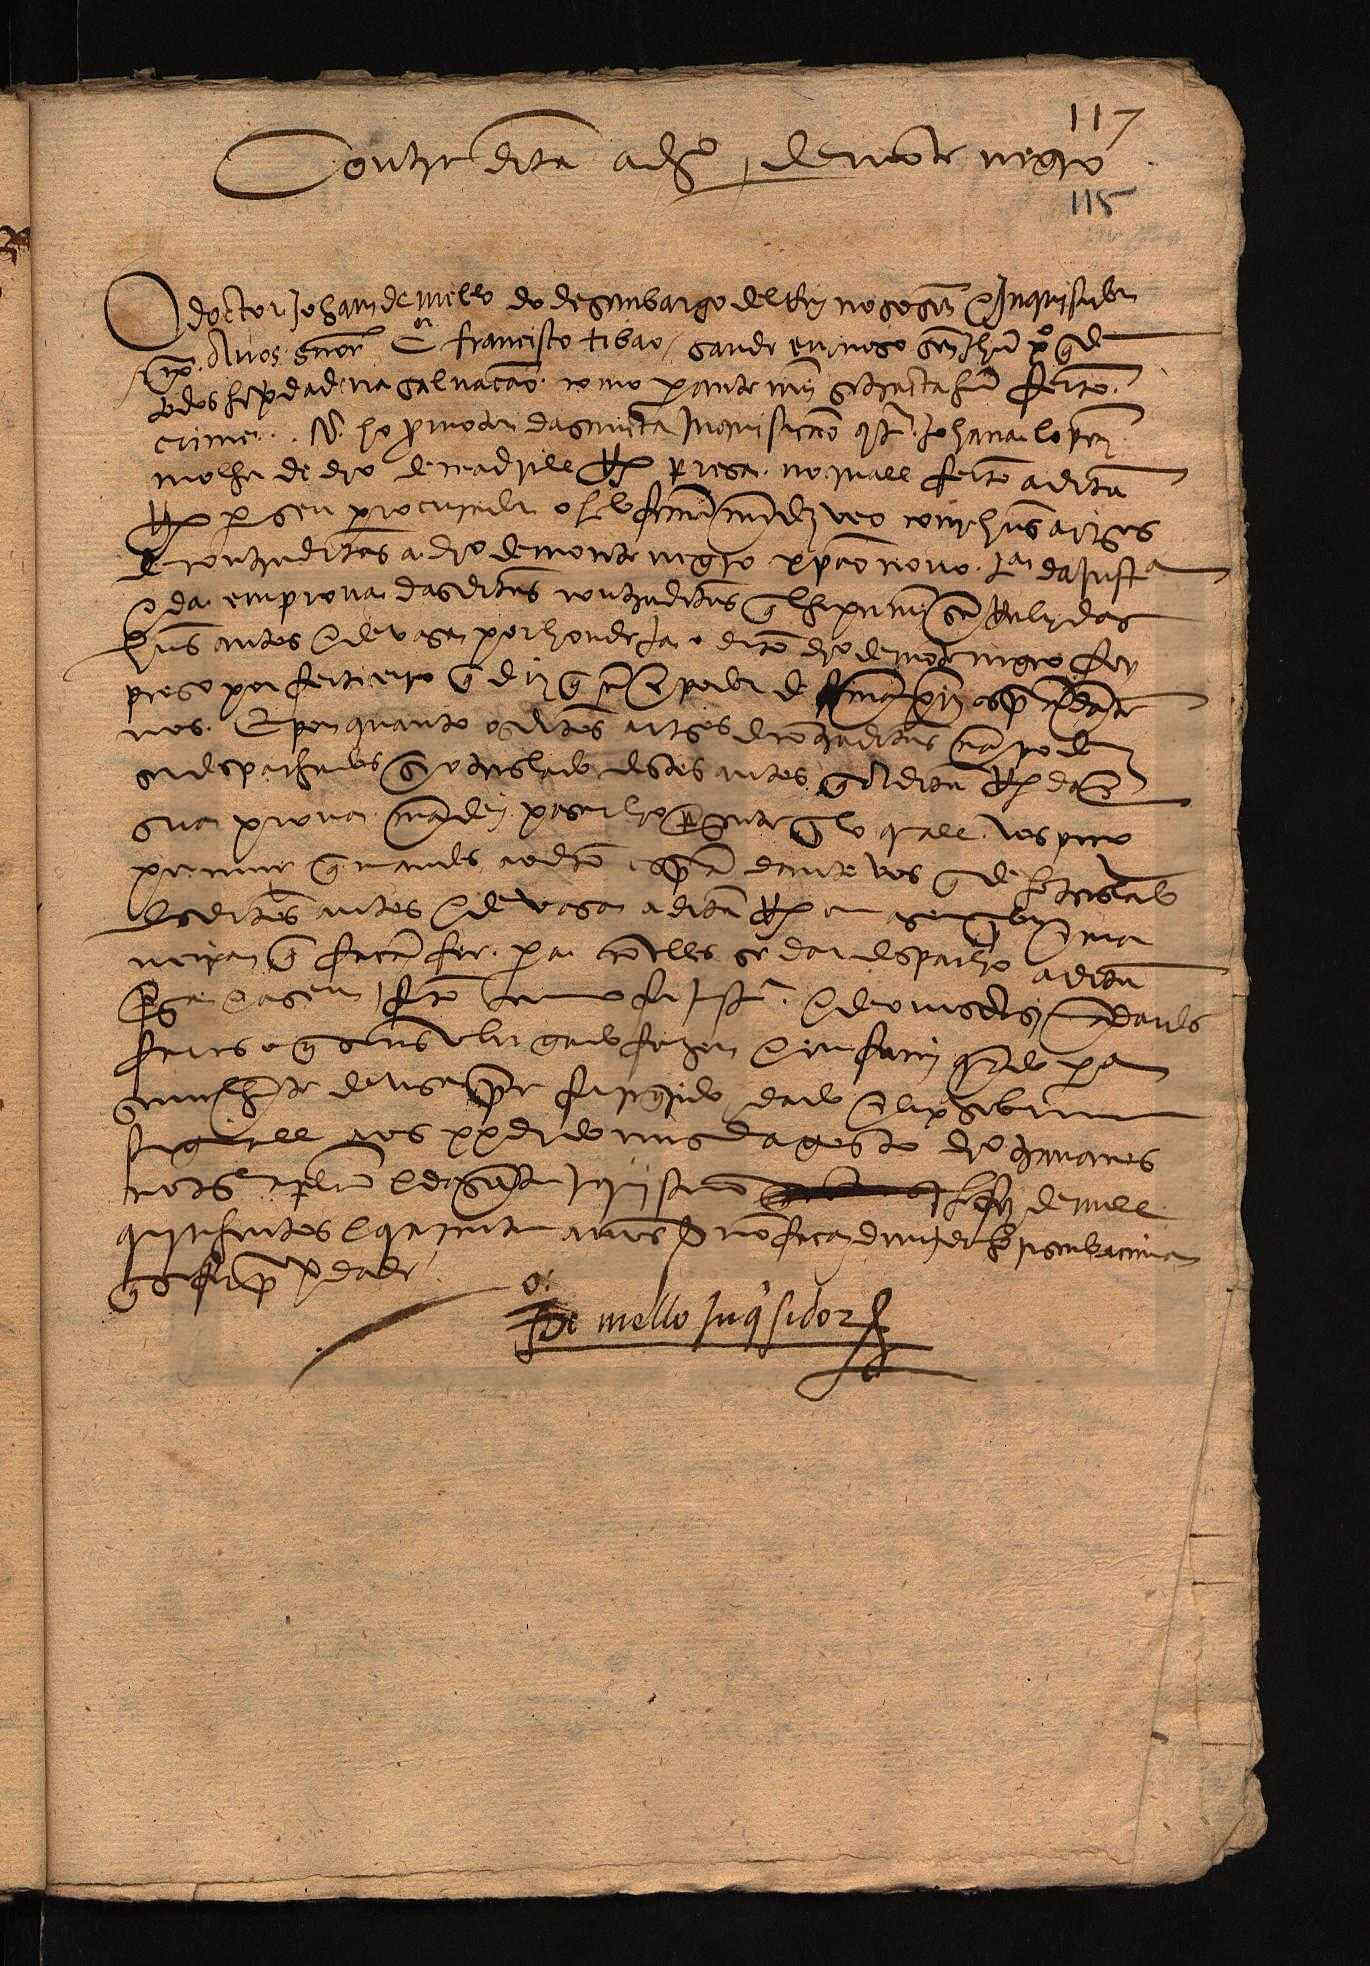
Contradita a djo de mōte negro
O doctor Joham de mello do desembargo del Rey noso sōr e Jnqujsidor
e c̄ꝭ. A uos sn̄or Cor francisto tibao / saude em noso sōr Jhū xo q̄ de
todos he ꝟdadeira saluação. como ꝑante mȳ se trata hū feito.
crime. .ss. ho ꝓmotor da sancta Jnquisição ꝯt̄ Johana lopez
molher de djo de madrill Rꝭ presa no quall feito a dita
Rꝭ ꝑ seu procurador o Ldo fernā mēdez veo com hūs artos
de contraditas a djo de monte negro xpão nouo . ta da Justa
e da em proua das ditas contraditas q̄ lhe per mȳ sā Recebydas
hūs autos e devasa por honde Ja o dito djo de mōtenegro foy
preso por feiticeiro q̄ diz q̄ sā ē poder de fernā pīz esp̄uā dāte
uos. E porquanto os ditos artos de c̄otraditas nā podem
ser despachados sē o treslado destes autos q̄ A dita Rꝭ da ē
sua proua m̄adey pasar ho p̄sente p̄lo quall vos peço
por merce q̄ mandes ao dt̄o esp̄uā dante vos q̄ de ho treslado
dos ditos autos e devasa a dita Rꝭ ou a seu p̄dor ē ma
neira q̄ façā fee . ꝑa c̄o elles se dar despacho a dita
p̄sa e a seu ftō como for Justa. e de o uos Asj mādardes
fares o q̄ soes obrigado fazer e eu farej quādo ꝑa
melhāte de vosa p̄te for req̄rido / dado ē lixa sob meu
signall aos xx di do mes dagosto djo trauaços
notro apl̄co e da sāta Jnqujsição q̄ este es ho fez de mill
qujnhentos e quarenta anōs nō faça duujda ho riscado acima
q̄ se fez p̄o ꝟdade /
Jo de mello Jnqisidor
